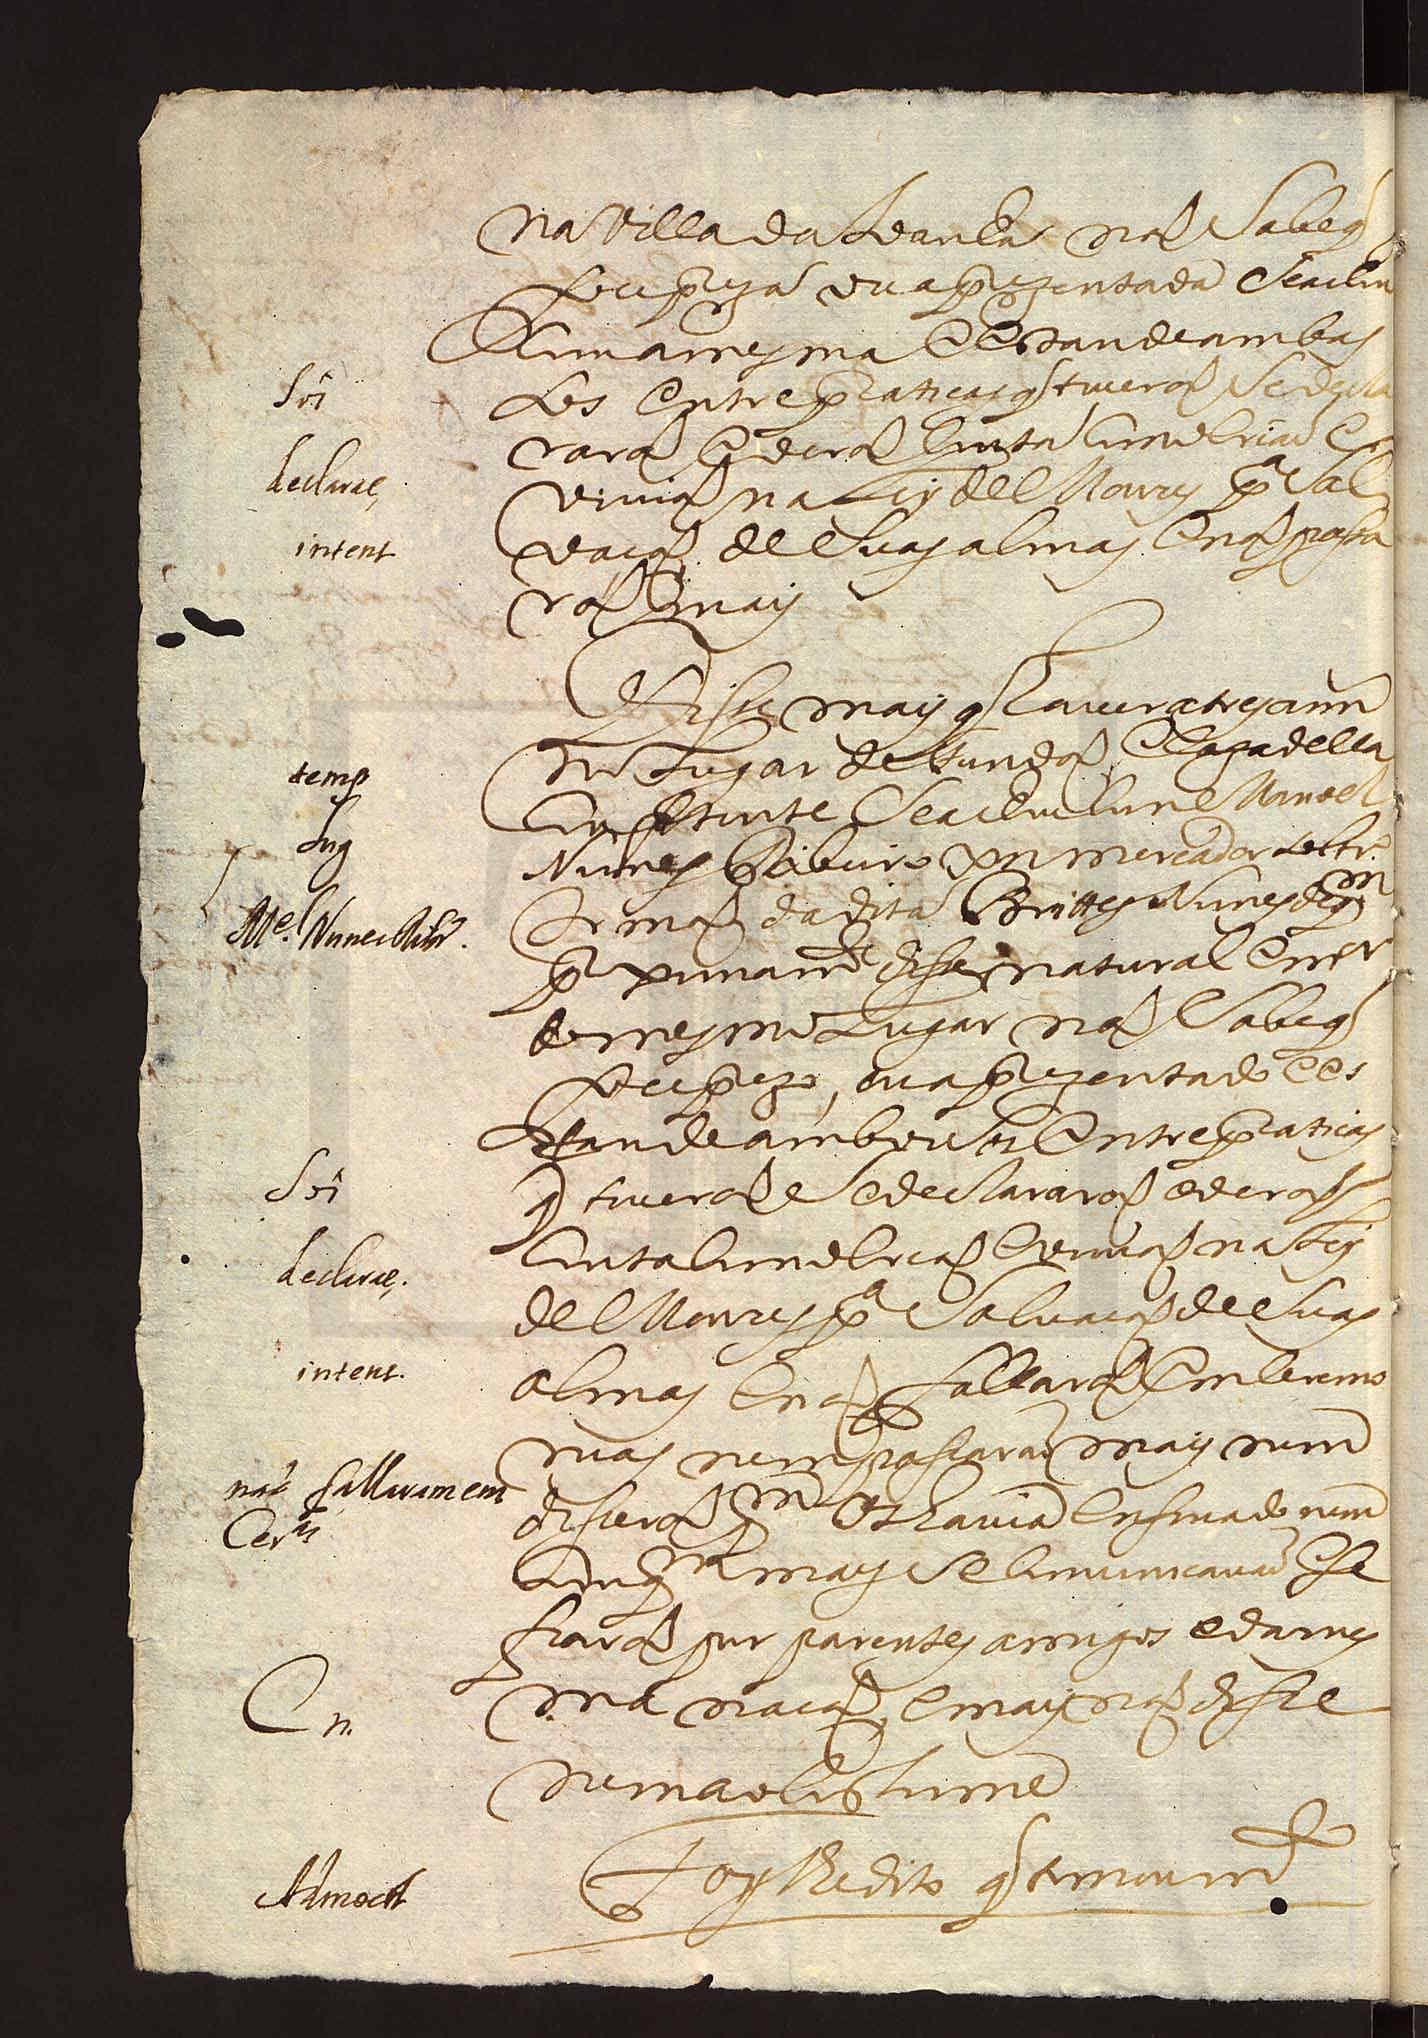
Sôs
declaraç
intent
temp
Lug
M.el Nunes Ribro
Sôs
declaraç.
intent.
naõ fallavam em
Ceras
Cn.
Admoest
na villa da Idanha naõ Sabe q̄
foce preza ou aprezentada se achou
Com a mesma E Estando ambas
Sos entre praticas q̄ tiueraõ Se decla
raraõ E deraõ Conta Como Criaõ E
Viuiaõ na Ley de Mouzes pa Sal
vaçaõ de Suas almas E naõ passa
raõ mais
Disse mais q̄ hauera tres ann̄
no Lugar de Fundaõ, E Caza della
Confitente Se achou Com Manoel
Nunes Ribeiro xn mercador soltr.o
Irmaõ da dita Brittes Nunes de q.m
proximamte disse natural e mor
do mesmo Lugar naõ sabe q̄
foce prezo, ou aprezentado e es
tando ambos Sos Entre praticas
q̄ tiueraõ Se declararaõ e deraõ
Conta Como Criaõ E viuiaõ na Ley
de Mouzes pa Saluacaõ de Suas
almas E naõ fallaraõ Em Ceremo
nias nem passaraõ mais nem
disseraõ qm os hauia Ensinado nem
com qm mais se Comunicauaõ E se
fiaraõ por parentes amigos e da mes
ma nacaõ, e mais naõ disse
nem ao Custume
Foy lhe dito q̄ tomou mto
